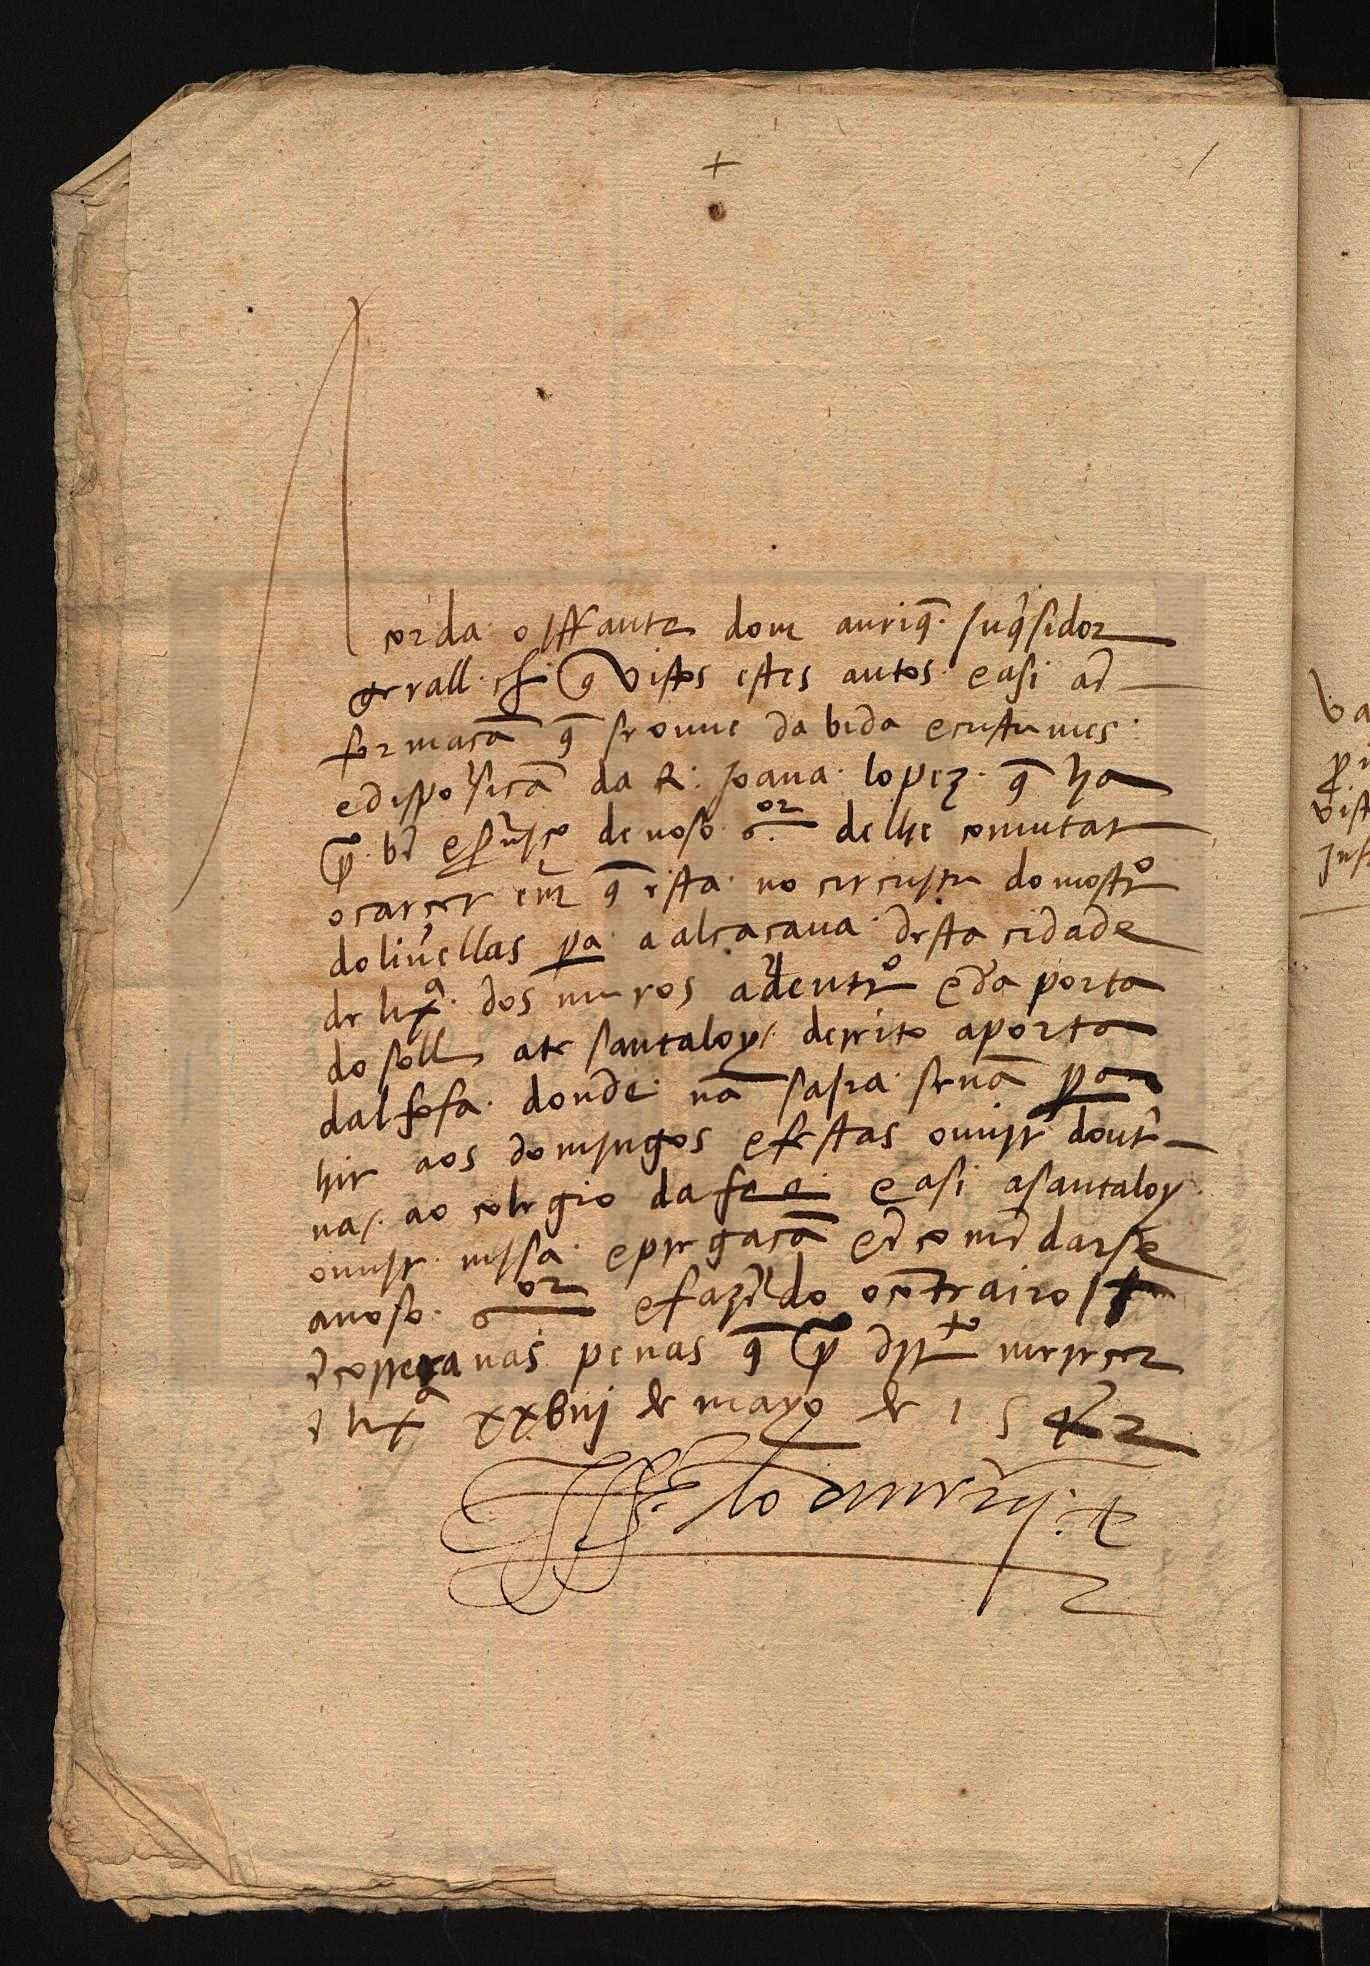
Acorda o Jffante dom anriq̄. Jnqisidor
gerall cꝭ q̄ vistos estes autos e asi a ē
formaçā q̄ se ouue da vida e custumes
e disposiçā da R. Joana lopez. q̄ ha
p̄o bē e ꞩujço de noso sor de lhe comutar
o carcer em q̄ esta no circujtu do mostro
doliuellas ꝑa a alcaçaua desta cidade
de lixa. dos muros adentro e da porta
do soll ate santaloy /. dereito a porta
dalfofa. donde nā saJra senā ꝑa
hir aos domjngos e festas ouujr douti
na/. ao colegio da fee e asi a santaloy
ouuJr mJsa e pregaçā e ēcomēdarse
a noso sor e fazēdo o c̄otrairo
ēcorrera nas penas q̄ p̄o djrto merecer
ē lixa xxbiij de mayo de 1542
Jffꝭ dō anrriq̄
